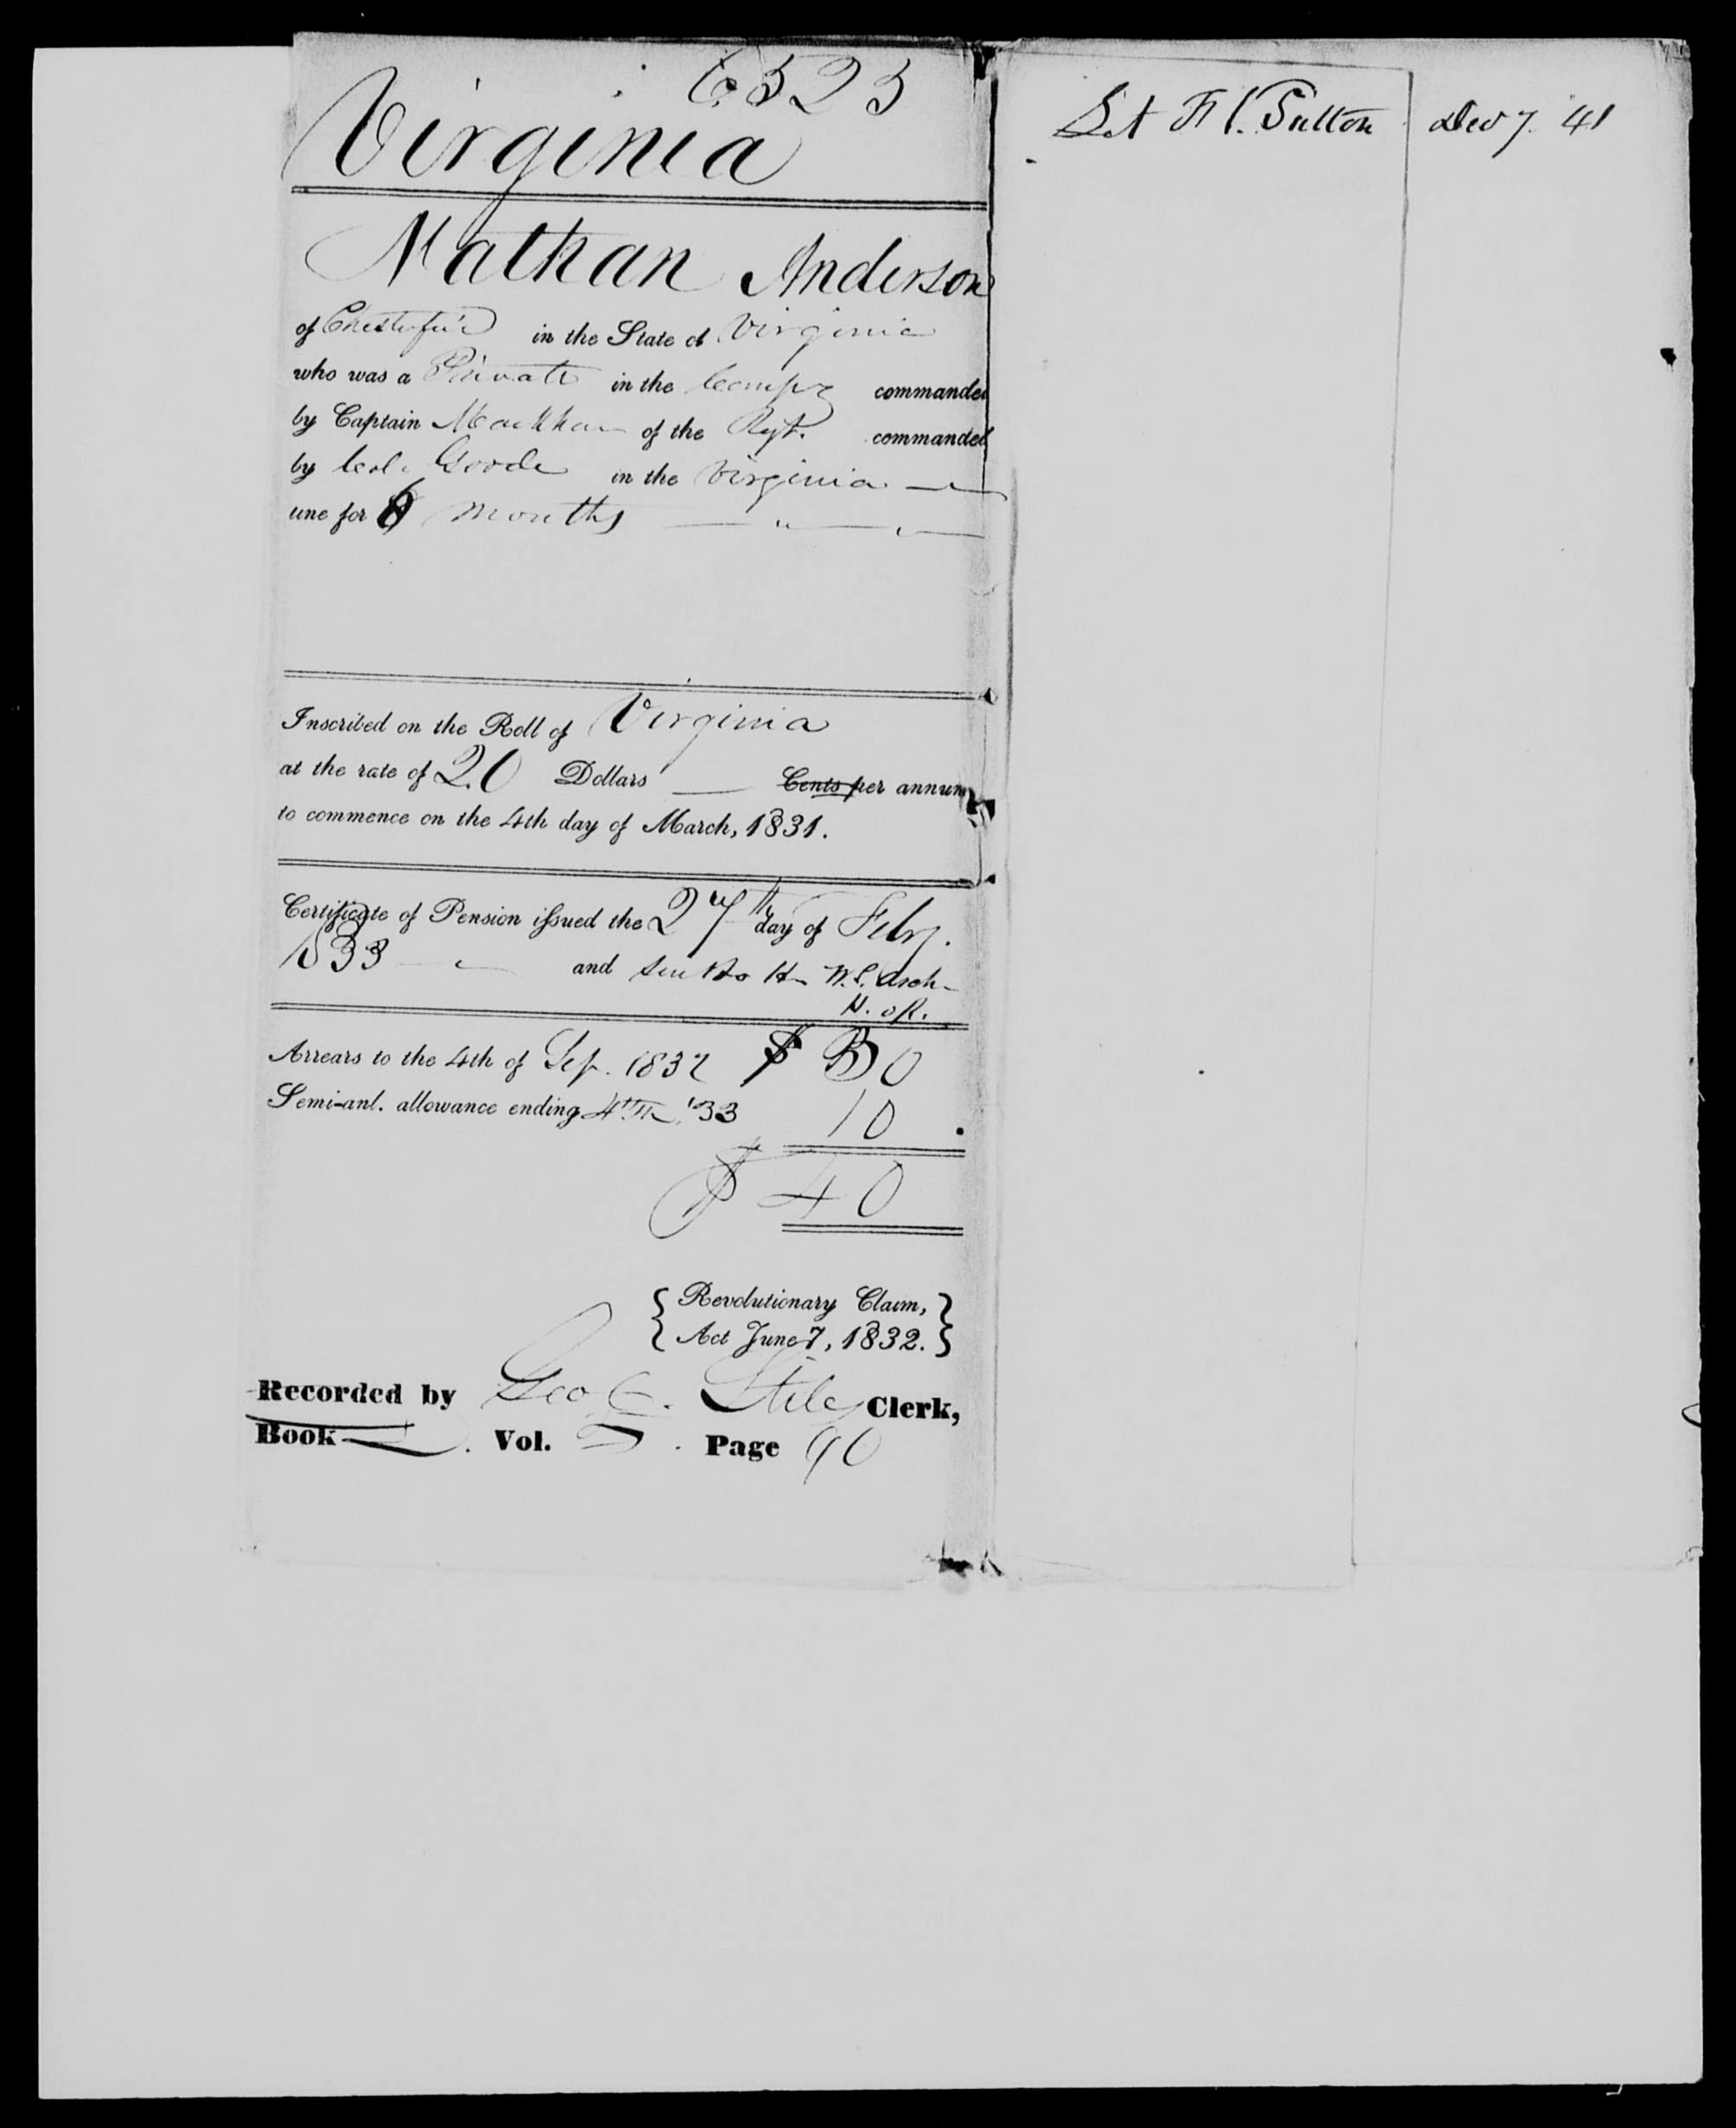6523 
Virginia
Nathan Anderson
of Chesterfield in the State of Virginia
who was a Private in the Compy commanded by Captain Markham of the Regt. commanded by Col. Goode in the Virginia line for 6 months
Inscribed on the Roll of Virginia
at the rate of 20 Dollars — Cents per annum to commence on the 4th day of March, 1831.
Certificate of Pension issued the 27th day of Feby. 1833 and sent to Hon W. L. Asch
H. o R.
Arrears to the 4th of Sep. 1832 $30
Semi-anl. allowance ending 4th '33 10
$40
{Revolutionary Claim, Act June 7, 1832.}
Recorded by Geo C. Stiles Clerk,
Book Z.  Vol. 3.  Page 90

Let F V. Sutton Dec 7. '41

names: Goode, F V Sutton, W L Asch, Geo C Stiles, Mackhan, Nathan Anderson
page: 2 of 43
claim: widow's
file: W. 5,626, Nathan Anderson, Va.